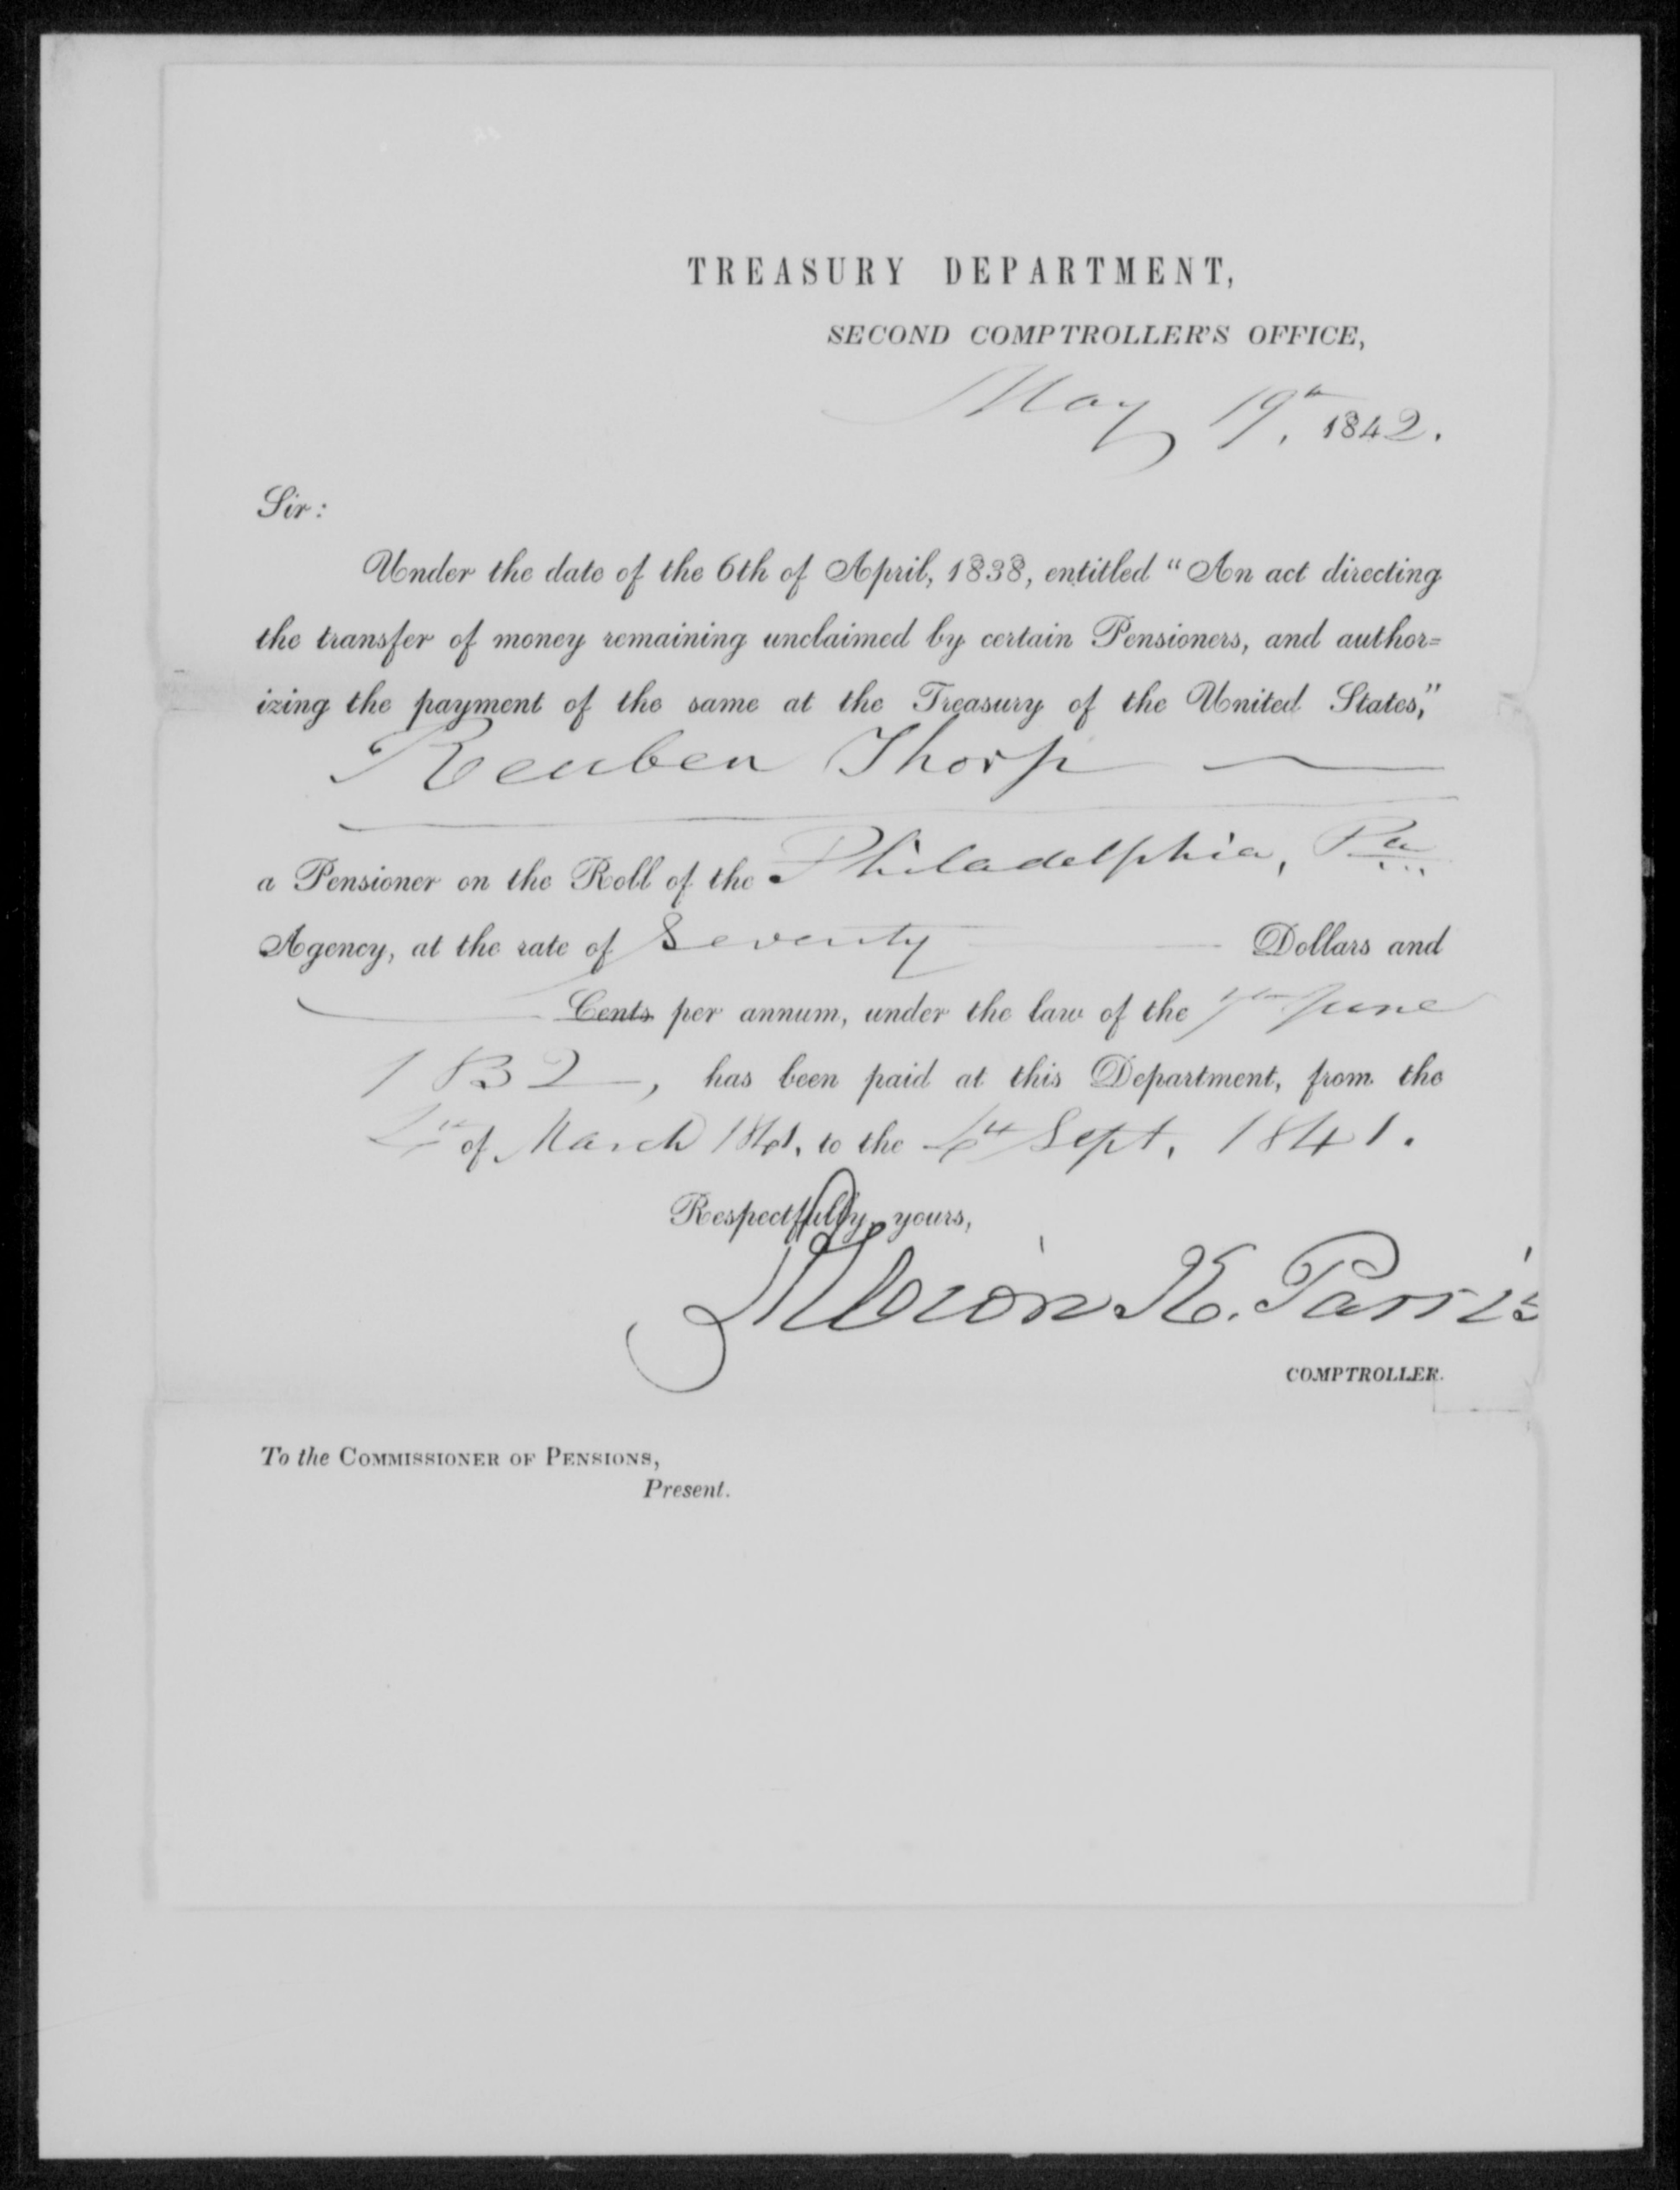TREASURY DEPARTMENT.
SECOND COMPTROLLER'S OFFICE.

May 19, 1842.

Sir:

Under the date of the 6th of April, 1838, entitled "An act directing the transfer of money remaining unclaimed by certain Pensioners, and authorizing the payment of the same at the Treasury of the United States, Reuben Thorp
a Pensioner on the Roll of the Philadelphia, Pa.
Agency, at the rate of Seventy
Dollars and ['Cents' crossed out] per annum, under the law of the 7th June 1832, has been paid at this Department, from the 4th of March 1841, to the 4th Sept. 1841.

Respectfully yours,
Albion K. Parris
COMPTROLLER.

To the COMMISSIONER OF PENSIONS,
Present.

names: Reuben Thorp; Albion K Parris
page: 14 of 28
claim: survivor's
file: S. 6229, for Reuben Thorp, New Jersey